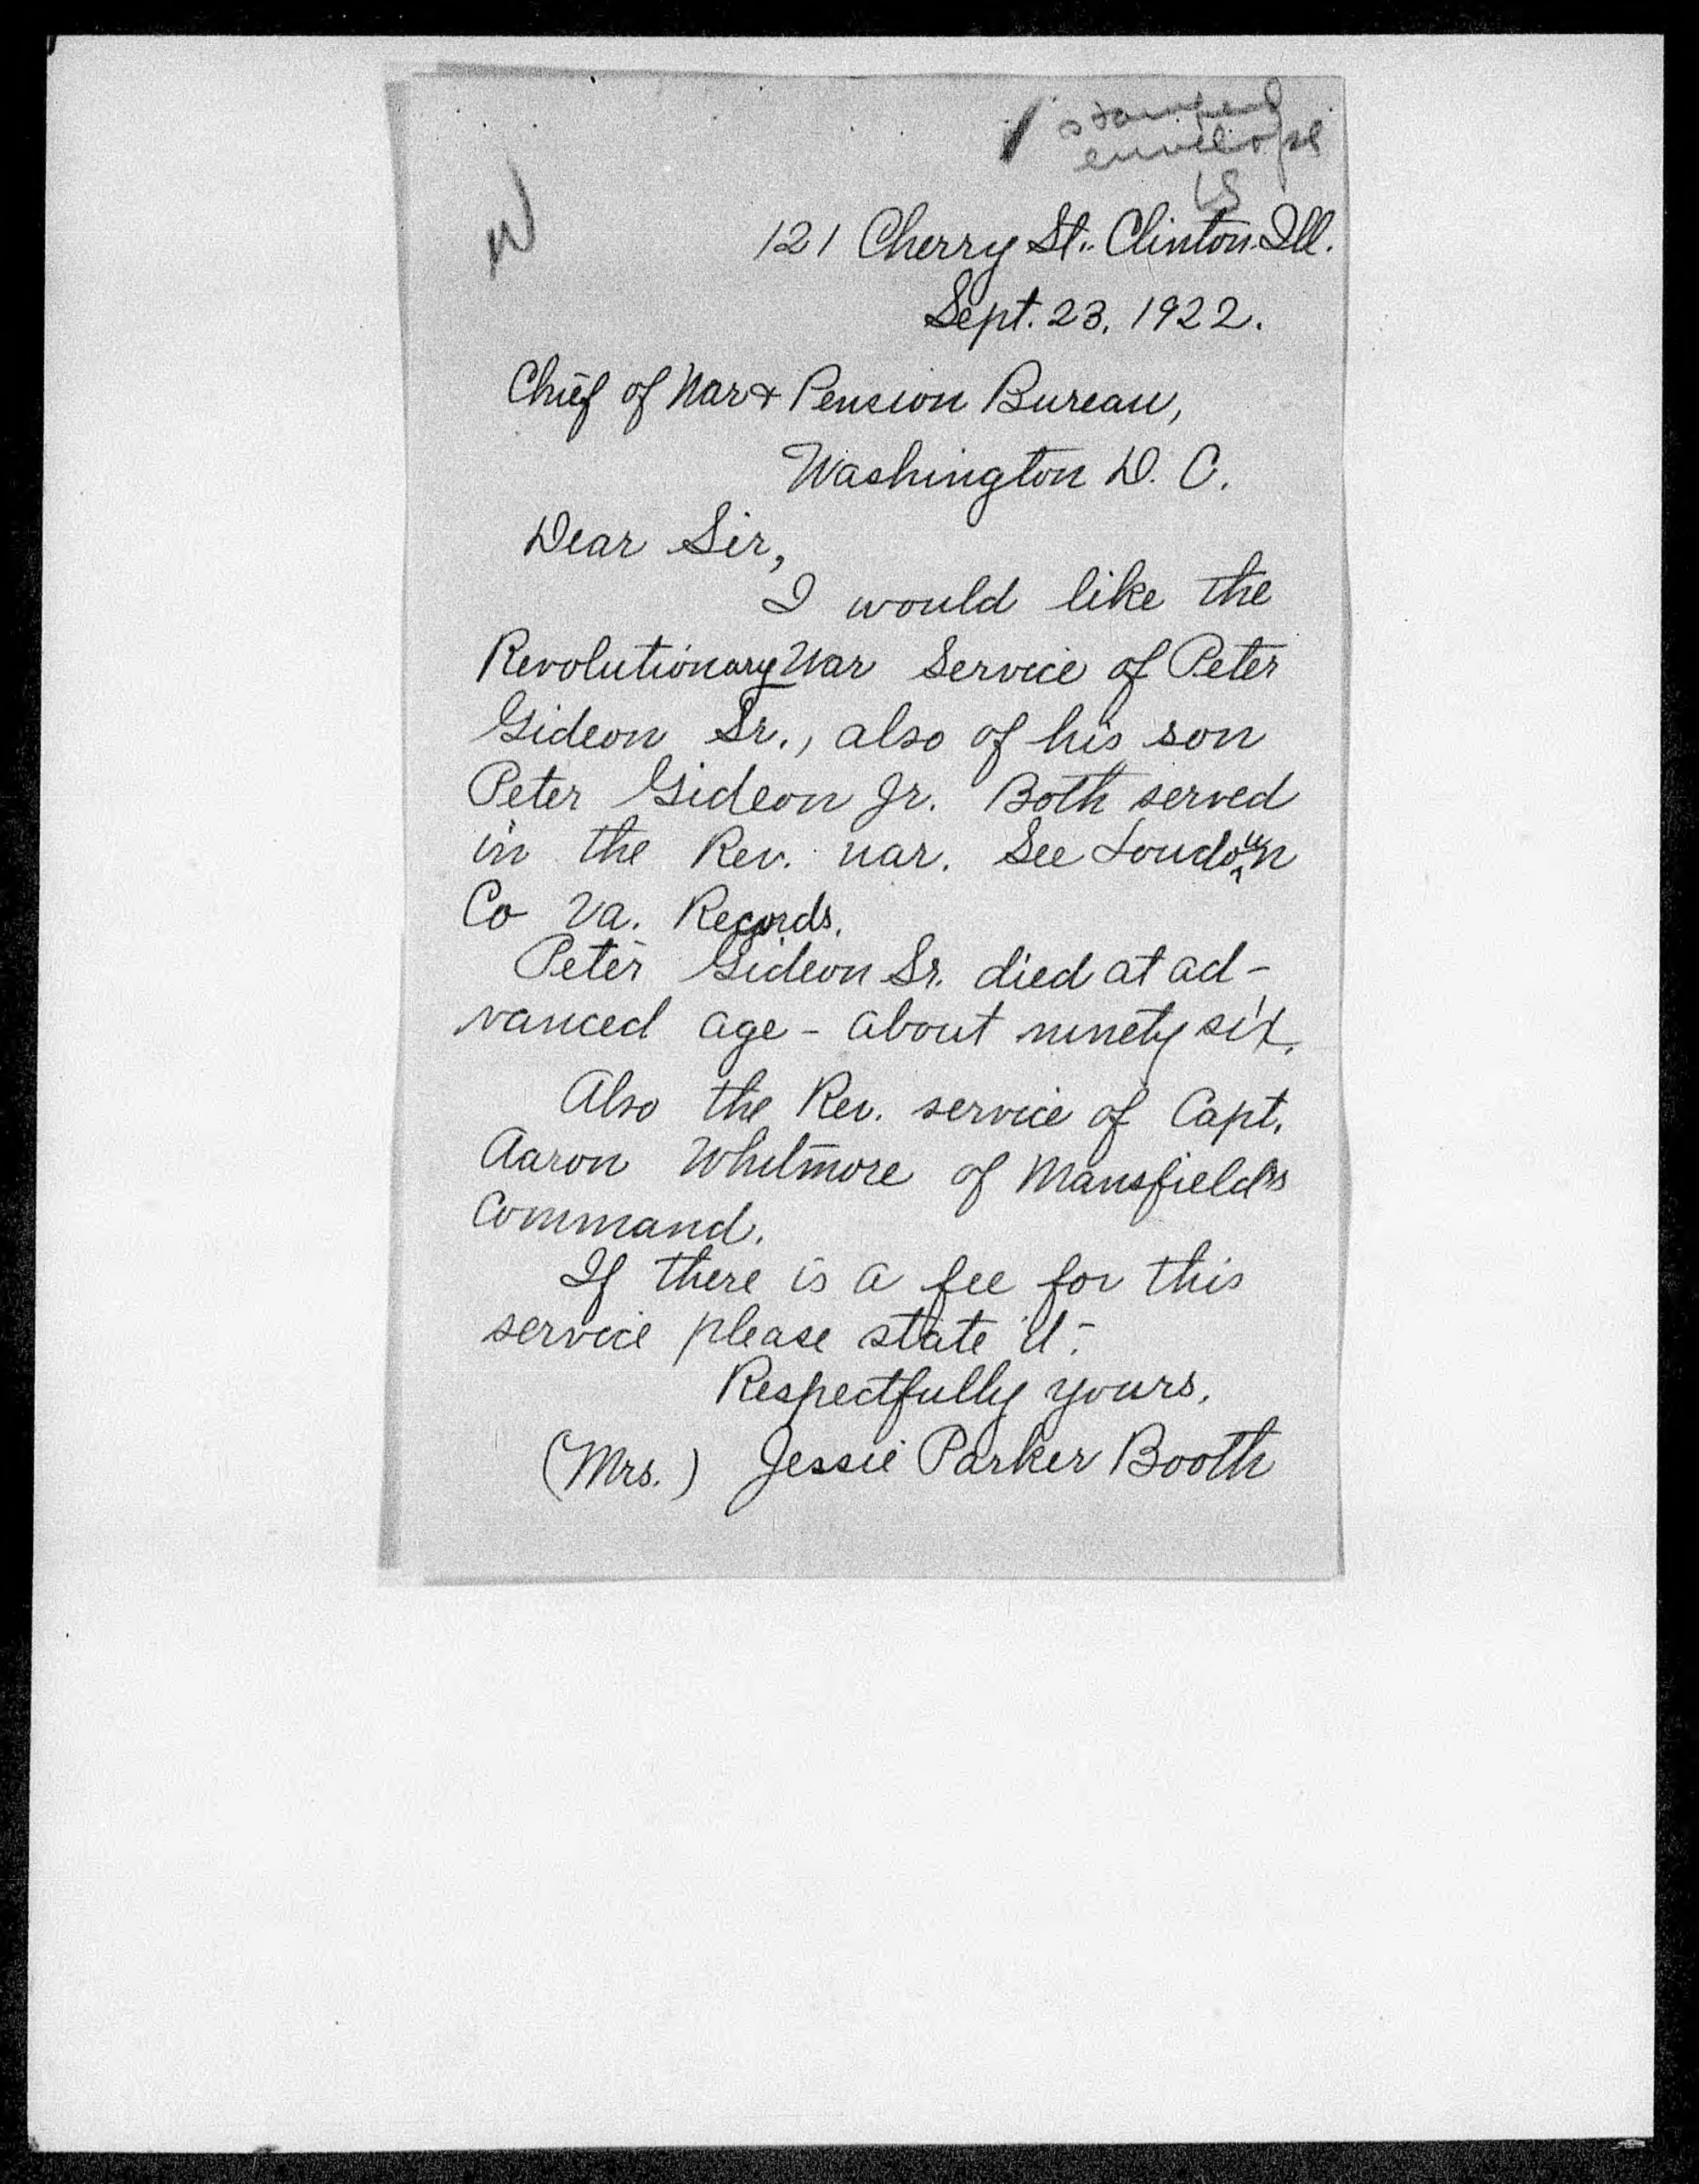stamped envelope

121 Cherry St. Clinton Ill.
Sept. 28, 1922

Chief of War & Pension Bureau
Washington D.C

Dear Sir,
I would like the Revolutionary War service of Peter Gideon Sr., also of his son Peter Gideon Jr. Both served in the Rev. War.  See Loudon Co Va. Records.
Peter
Gideon Sr, died at an advanced age - about ninety six.
Also the Rev. service of Capt. Aaron Whitmore of Mansfield's command
If there is a fee for this service please state it

Respectfully yours,
(Mrs.) Jessie Parker Booth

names: Peter Gideon, Aaron Whitmore, Peter Gideon, Peter Gideon, Jessie Parker Booth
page: 35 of 64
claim: survivor's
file: S. 6887, Peter Gideon, Md.